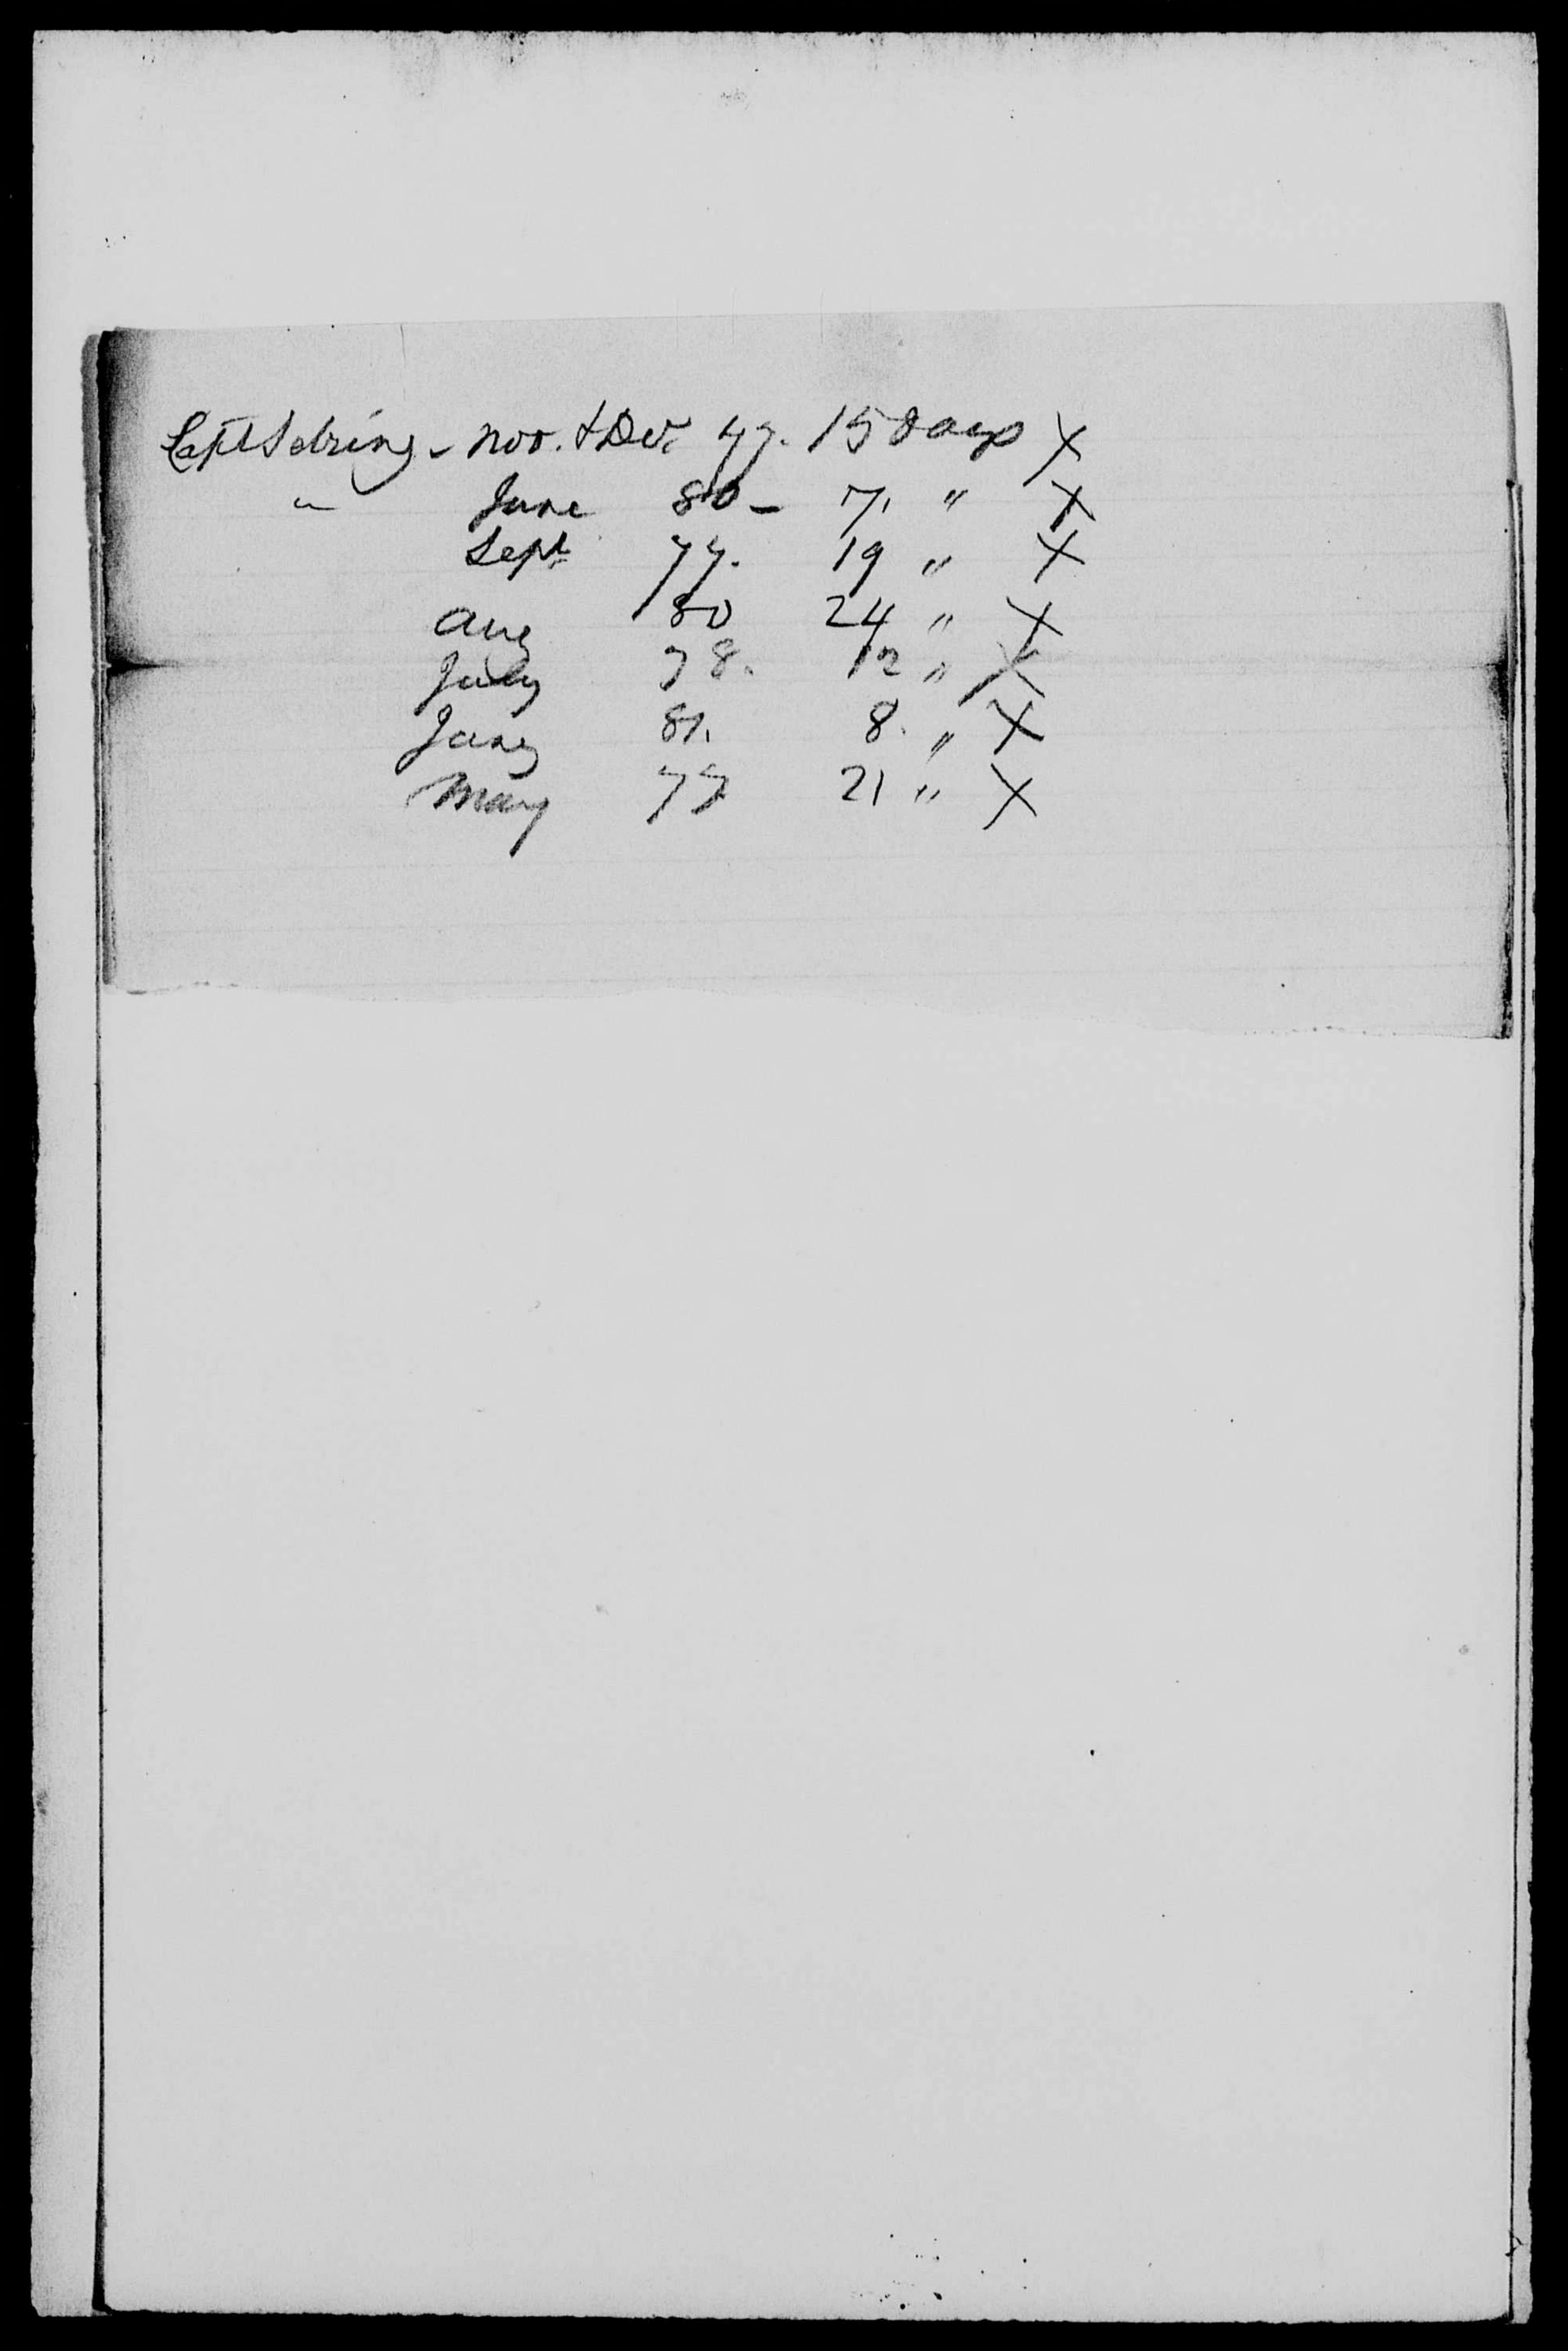Capt Sebring - Nov. + Dec. 77   15 days      X
                         June 80                7    "         X
                         Sept  77              19    "        X
                         Aug    80             24    "        X
                         July     78             12   "         X
                         June    81               8   "         X
                         May    77              21   "         X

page: 20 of 77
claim: widow's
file: W. 417, William De Groot, New Jersey